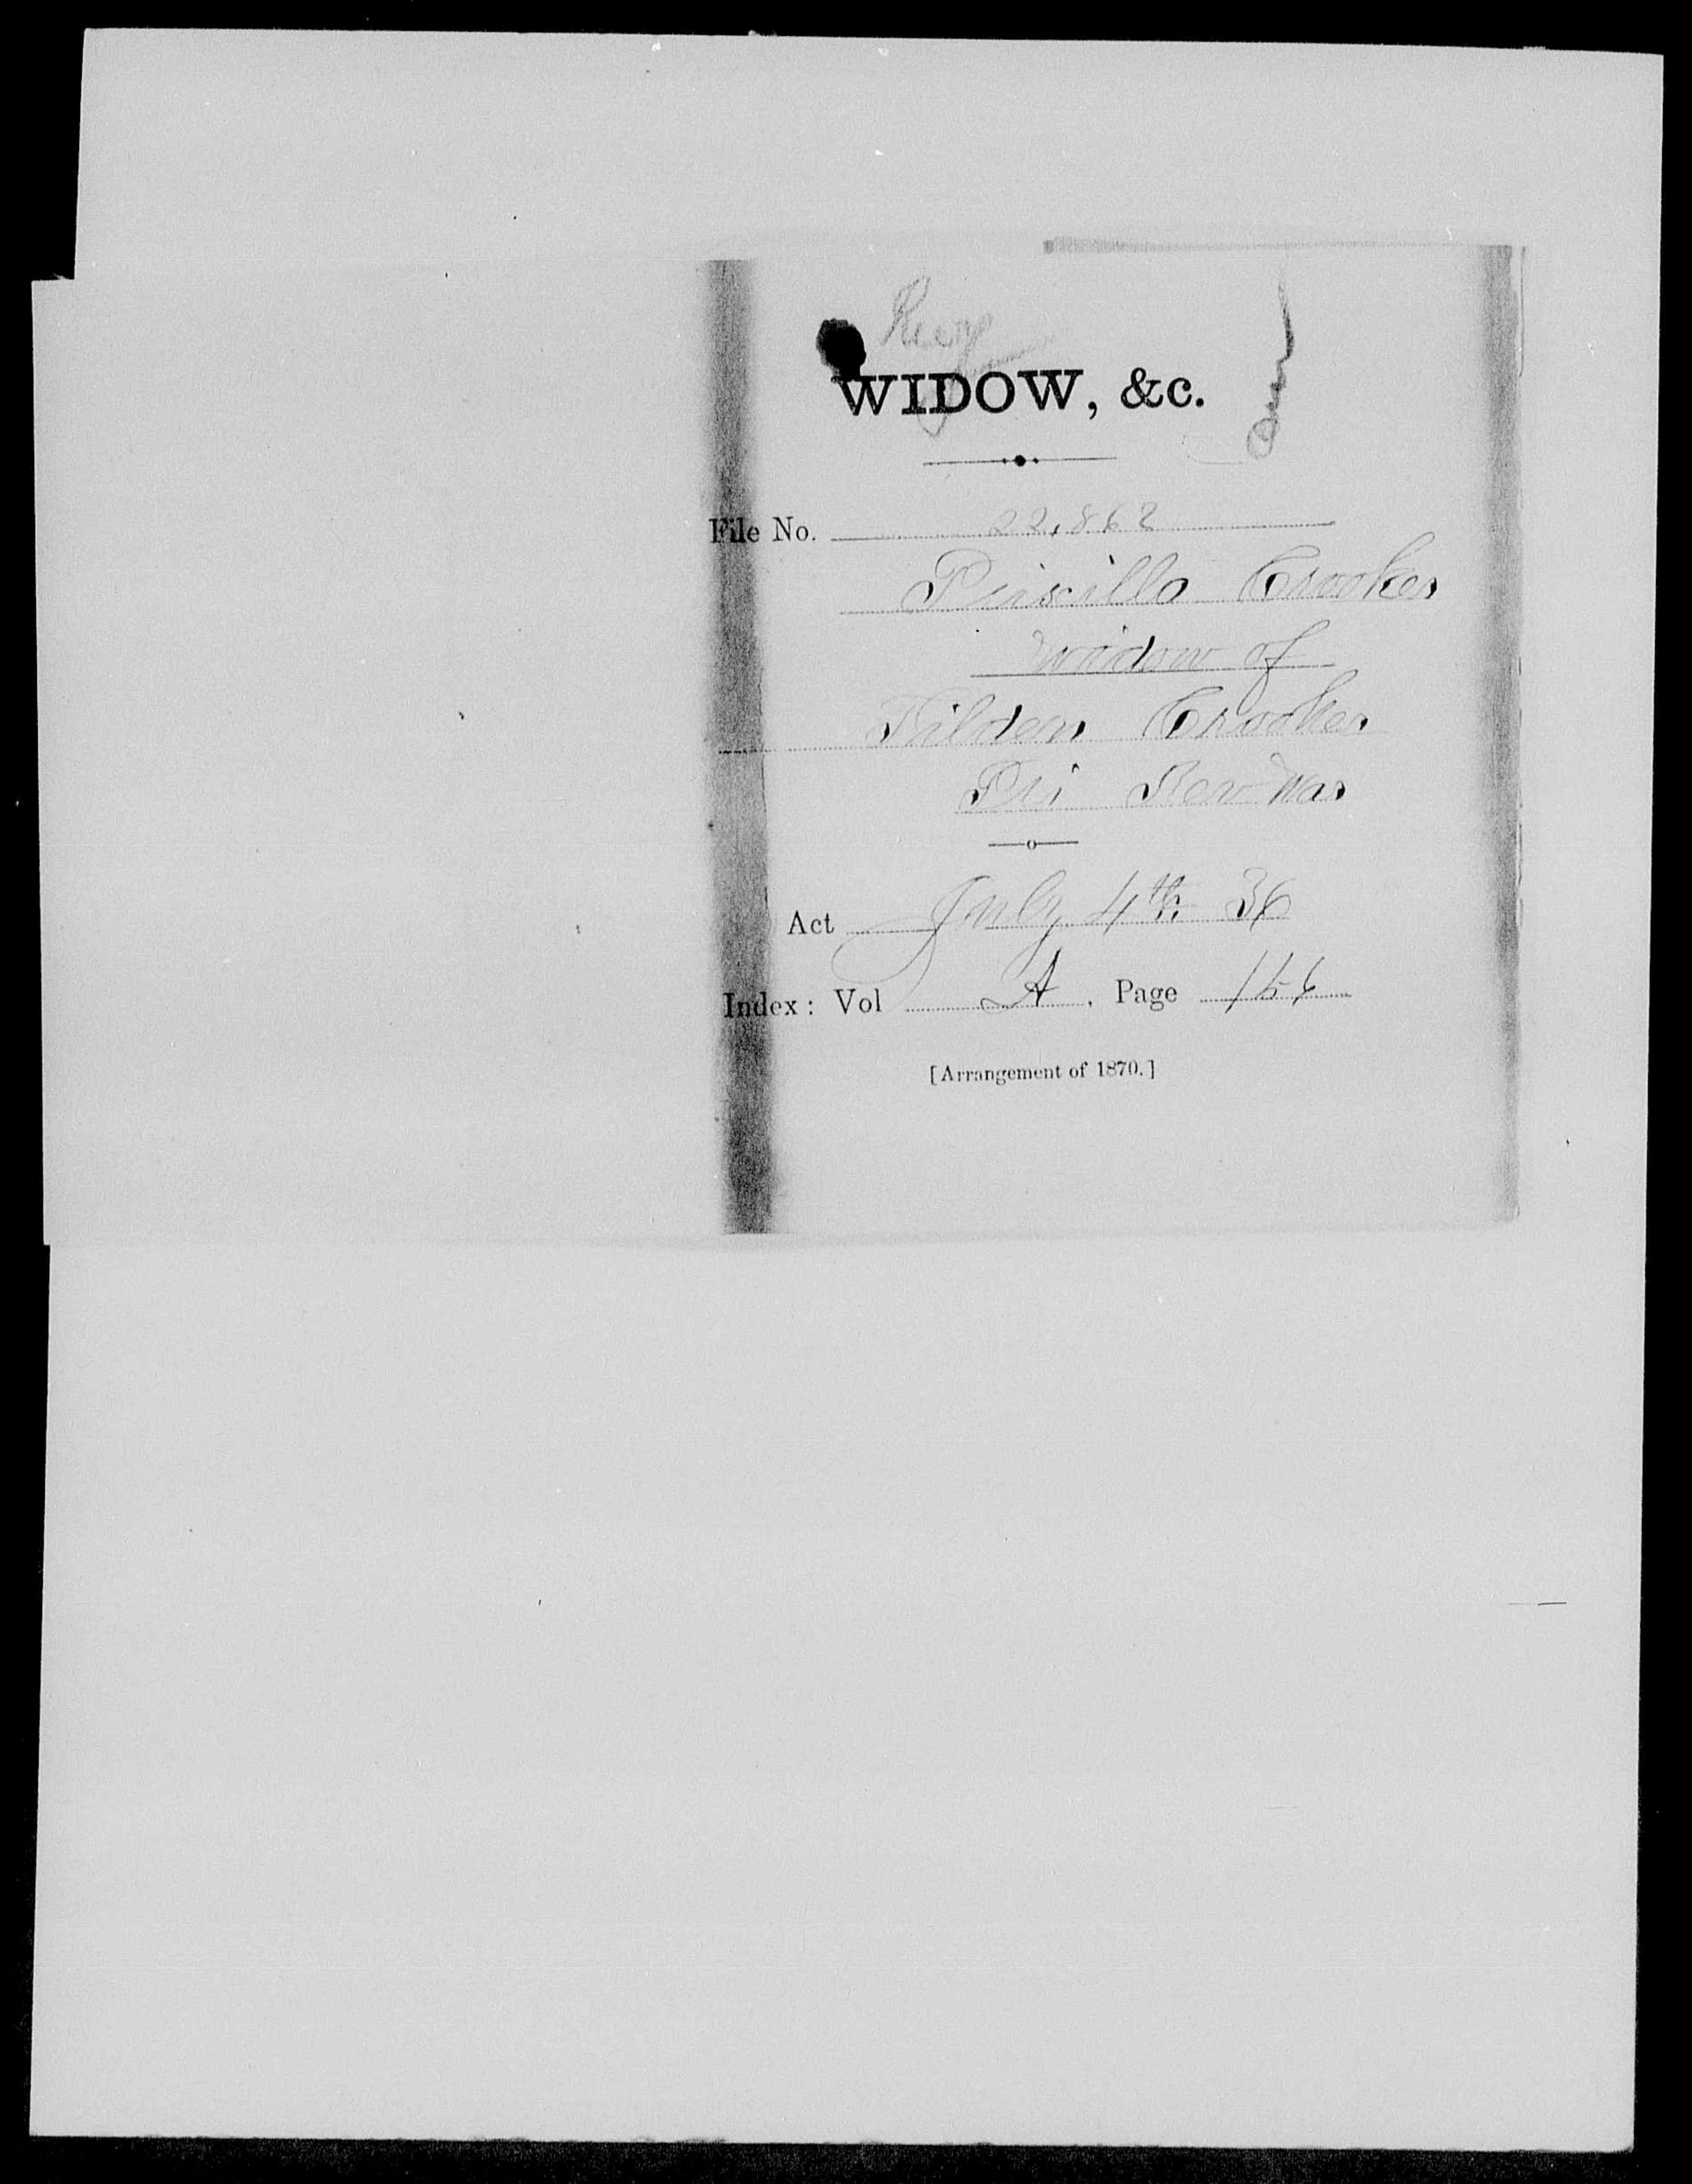Revy Widow, &c.


File No. 22862

Priscilla Crooker
widow of
Tilden Crooker
Pri Rev. War


Act  July 4th 1836

Index:-Vol. A, Page 166

[Arrangement of 1870]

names: Tilden Crooker, Priscilla Crooker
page: 13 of 33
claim: widow's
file: W. 22862, Tilden Crooker, Mass Navy